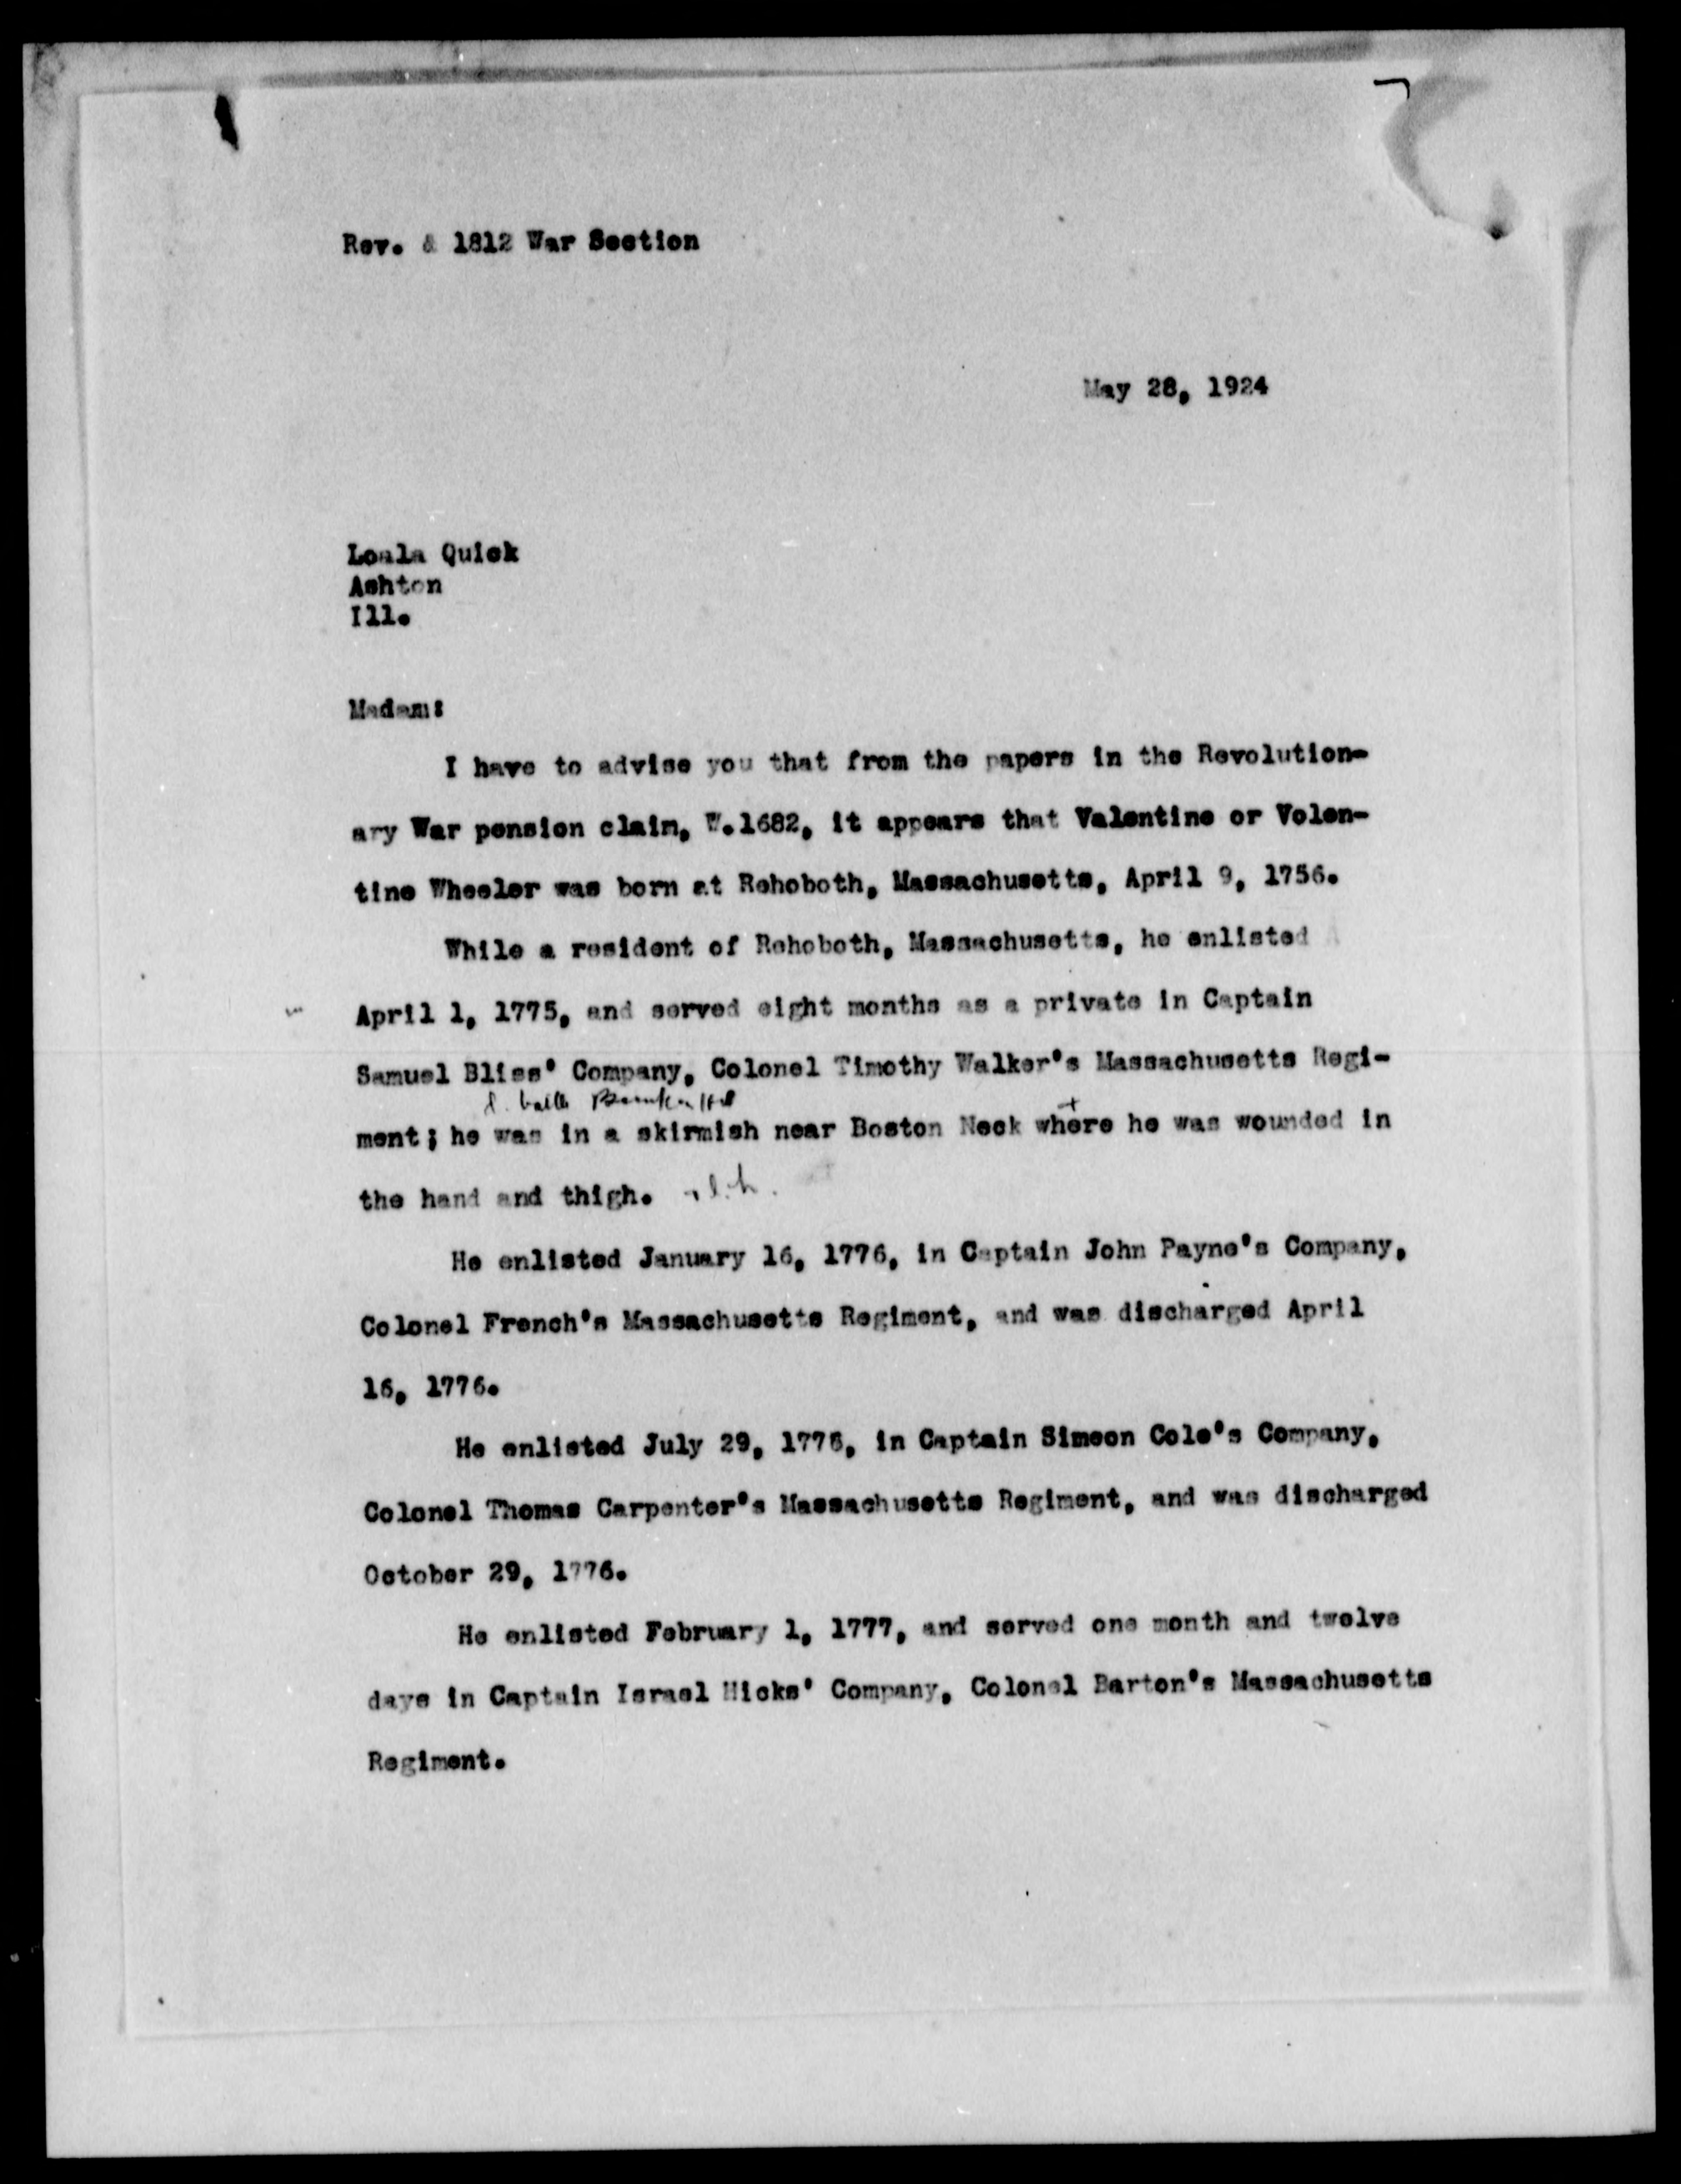Rev. & 1812 War Section
May 28, 1924

Loala Quick
Ashton
Ill.

Madam:
I have to advise you that from the papers in the Revolutionary War pension claim, W. 1682, it appears that Valentine or Volentine Wheeler was born at Rehoboth, Massachusetts, April 9, 1756.
While a resident of Rehoboth, Massachusetts, he enlisted April 1, 1775, and served eight months as private in Captain Samuel Bliss' company, colonel Timothy Walker's Massachusetts Regiment; he was in a skirmish ^ battle Bunker Hill, near Boston Neck where he was wounded in the hand and thigh.
He enlisted January 16, 1776, in Captain John Payne's Company, Colonel French's Massachusetts Regiment, and was discharged April 16, 1776.
He enlisted July 19, 1776, in Captain Cole's Company, Colonel Thomas Carpenter's Massachusetts Regiment, and was discharged October 29, 1776.
He enlisted February 1, 1777,  and served one month and twelve days in Captain Israel Hicks' Company, Colonel Barton's Massachusetts regiment.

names: Volentine Wheeler, Valentine Wheeler, Loala Quick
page: 45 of 98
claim: widow's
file: W. 1682, Valentine Wheeler, Mass.